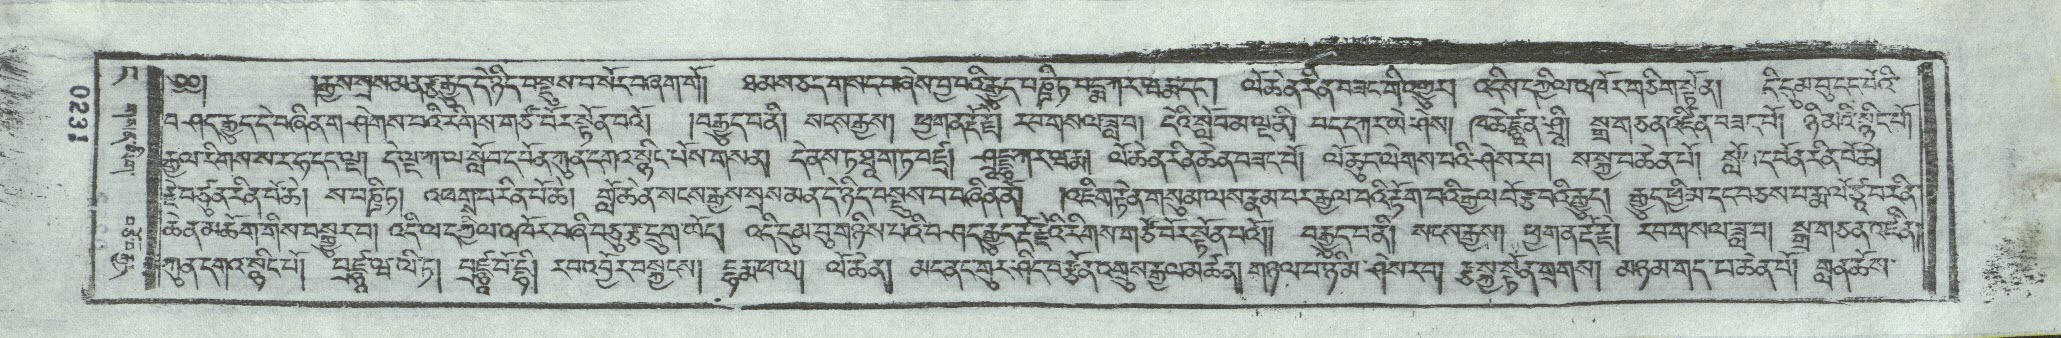༄༅། །རྒྱས་སྲས་མན་རྩ་རྒྱུད་དེ་ཉིད་བསྡུས་པ་སོར་བཞག་གོ། ཐམས་ཅད་གསང་བ་ཞེས་བྱ་བའི་རྒྱུད་པཎྜི་ཏ་པདམ་ཀ་ར་ཝརྨ་དང་། ལོ་ཆེན་རིན་བཟང་གི་འགྱུར། འདིས་དཀྱིལ་འཁོར་གཅིག་སྟོན། དི་དུམ་བུ་དང་པོའི་
བཤད་རྒྱུད་དེ་བཞིན་གཤེགས་པའི་རིགས་གཙོ་བོར་སྟོན་པའོ། །བརྒྱུད་པ་ནི། སངས་རྒྱས། ཕྱག་ན་རྡོ་རྗེ། རབ་གསལ་ཟླ་བ། དེའི་སློབ་མ་ལྔ་ནི། པད་དཀར་ཡེ་ཤེས། ཁ་ཆེ་ཛྙཱ་ན་ཤྲཱི། སྒྲ་གཅན་འཛིན་བཟང་པོ། ཉི་མའི་སྙིང་པོ།
རྒྱལ་རིགས་ས་ར་ཧ་དང་ལྔ། དེ་ལྔ་ཀ་ལ་སློབ་དཔོན་ཀུན་དགའ་སྙིང་པོས་གསན། དེ་ནས་ཏ་ཐའ་ག་ཏ་བཛྲ། སྲཱདྡྷ་ཀ་ར་ཝརྨ། ལོ་ཆེན་རིན་ཆེན་བཟང་པོ། ལོ་ཆུང་ལེགས་པའི་ཤེས་རབ། ས་སྐྱ་བ་ཆེན་པོ། སློབ་དཔོན་རིན་པོ་ཆེ།
རྗེ་བཙུན་རིན་པོ་ཆེ། ས་པཎྜི་ཏ། འཕགས་པ་རིན་པོ་ཆེ། གློ་ཆེན་སངས་རྒྱས་སྲས་མན་དེ་ཉིད་བསྡུས་པ་བཞིན་ནོ། །འཇིག་རྟེན་གསུམ་ལས་རྣམ་པར་རྒྱལ་བའི་རྟོག་པའི་རྒྱལ་པོ་རྩ་བའི་རྒྱུད། རྒྱུད་ཕྱི་མ་དང་བཅས་པ་རྨ་ལོ་ཙཱ་བ་རིན་
ཆེན་མཆོག་གིས་བསྒྱུར་བ། འདི་ལ་དཀྱིལ་འཁོར་བཞི་བཅུ་རྩ་དྲུག་ཡོད། འདི་དུམ་བུ་གཉིས་པའི་བཤད་རྒྱུད་རྡོ་རྗེའི་རིགས་གཙོ་བོར་སྟོན་པའོ།། བརྒྱུད་པ་ནི། སངས་རྒྱས། ཕྱག་ན་རྡོ་རྗེ། རབ་གསལ་ཟླ་བ། སྒྲ་གཅན་འཛིན།
ཀུན་དགའ་སྙིང་པོ། པྲཛྙཱ་ཝ་ལི་ཏ། པྲཛྙཱ་བོ་དྷི། རབ་འབྱོར་བསྐྱངས། དྷརྨ་ཕ་ལ། ལོ་ཆེན། མང་ནང་གུར་ཤིང་བརྩོན་འགྲུས་རྒྱལ་མཚན། གཉལ་པ་ཉི་མ་ཤེས་རབ། རྩ་སྐྱ་སྟོན་གྲགས། མཉམ་གད་པ་ཆེན་པོ། གླན་ཆོས་